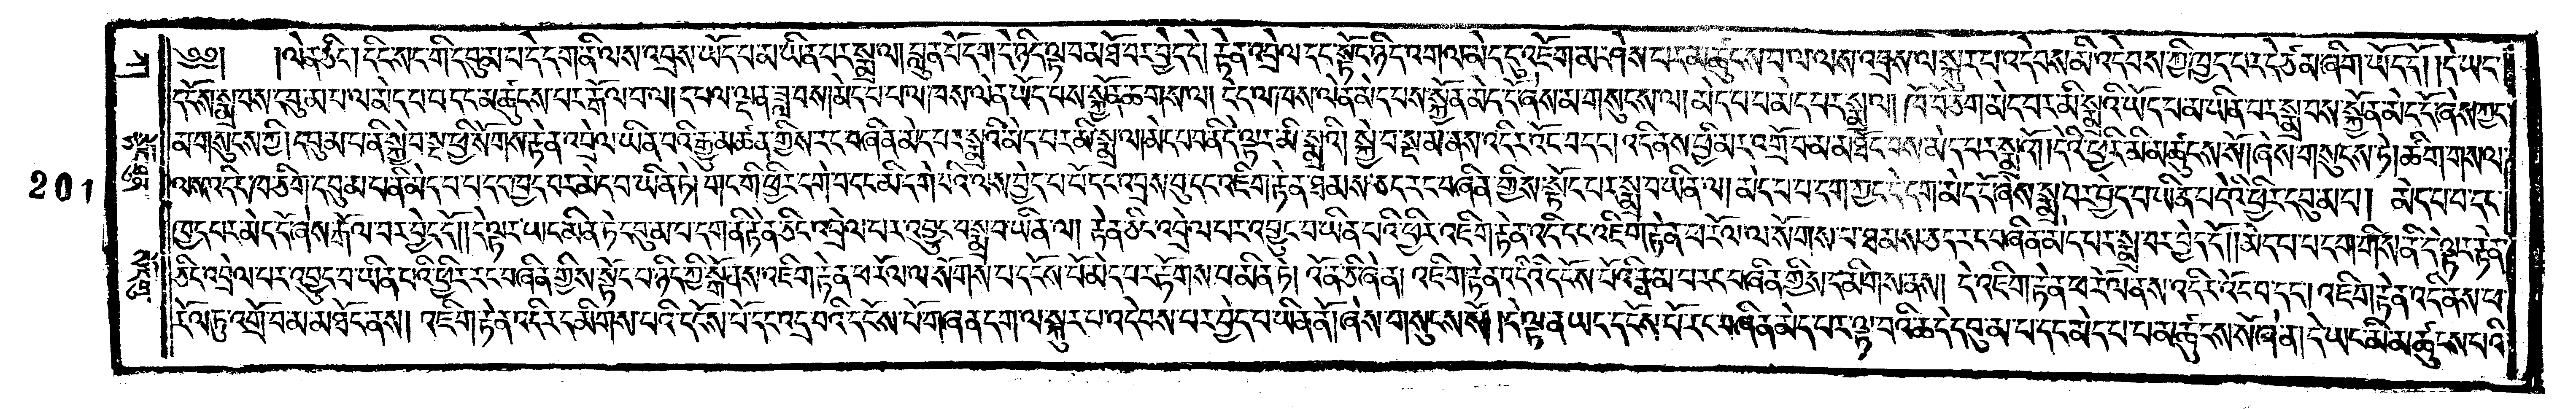༄༅། །ལེན་ཅིང་། དིང་སང་གི་དབུ་མ་པ་དེ་དག་ནི་ལས་འབྲས་ཡོད་པ་མ་ཡིན་པར་སྨྲ་ལ། བླུན་པོ་དག་དེ་ཉིད་ལྟ་བ་མཐོ་བར་བྱེད་དེ། རྟེན་འབྲེལ་དང་སྟོང་ཉིད་འགལ་མེད་དུ་འཇོག་མ་ཤེས་པར་མཚུངས་པ་ལ་ལས་འབྲས་ལ་སྐུར་པ་འདེབས་མི་འདེབས་ཀྱི་ཁྱད་པར་དེ་ཙམ་ཞིག་ཡོད་དོ། །དེ་ཡང་
དངོས་སྨྲ་བས་དབུ་མ་བ་ལ་མེད་པ་བ་དང་མཚུངས་པར་རྒོལ་བ་ལ། དཔལ་ལྡན་ཟླ་བས། མེད་པལ་ཁས་ལེན་ཡོད་པས་སྐྱོན་ཆགས་ལ། ངེད་ལ་ཁས་ལེན་མེད་པས་སྐྱོན་མེད་དོ་ཞེས་མ་གསུངས་ལ། མེད་པ་པ་མེད་པར་སྨྲ་ལ། ཁོ་བོ་ཅག་མེད་པར་མི་སྨྲའི་ཡོད་པ་མ་ཡིན་པར་སྨྲ་བས་སྐྱོན་མེད་དོ་ཞེས་ཀྱང་
མ་གསུངས་ཀྱི། དབུ་མ་པ་ནི་སྐྱེ་བ་སྔ་ཕྱི་སོགས་རྟེན་འབྲེལ་ཡིན་བའི་རྒྱུ་མཚན་གྱིས་རང་བཞིན་མེད་པར་སྨྲའི་མེད་པར་མི་སྨྲ་ལ། མེད་པ་པ་ནི་དེ་ལྟར་མི་སྨྲའི། སྐྱེ་བ་སྔ་མ་ནས་འདིར་འོང་བ་དང་། འདི་ནས་ཕྱི་མར་འགྲོ་བ་མ་མཐོང་བས་མེད་པར་སྨྲའོ། །དེའི་ཕྱིར་མི་མཚུངས་སོ། ཞེས་གསུངས་ཏེ། ཚིག་གསལ་
ལས་འདིར་ཁ་ཅིག་དབུ་མ་པ་ནི་མེད་པ་པ་དང་ཁྱད་པར་མེད་བ་ཡིན་ཏེ། གང་གི་ཕྱིར་དགེ་བ་དང་མི་དགེ་བའི་ལས་བྱེད་པ་པོ་དང་འབྲས་བུ་དང་འཇིག་རྟེན་ཐམས་ཅད་རང་བཞིན་གྱིས་སྟོང་པར་སྨྲ་བ་ཡིན་ལ། མེད་པ་པ་དག་ཀྱང་དེ་དག་མེད་དོ་ཞེས་སྨྲ་བར་བྱེད་པ་ཡིན་པ་དེའི་ཕྱིར་དབུ་མ་པ། མེད་པ་བ་དང་
ཁྱད་པར་མེད་དོ་ཞེས་རྒོལ་བར་བྱེད་དོ། །དེ་ལྟར་ཡང་མིན་ཏེ་དབུ་མ་པ་དག་ནི་རྟེན་ཅིང་འབྲེལ་པར་འབྱུང་བ་སྨྲ་བ་ཡིན་ལ། རྟེན་ཅིང་འབྲེལ་པར་འབྱུང་བ་ཡིན་པའི་ཕྱིར་འཇིག་རྟེན་འདི་དང་འཇིག་རྟེན་ཕ་རོལ་ལ་སོགས་པ་ཐམས་ཅད་རང་བཞིན་མེད་པར་སྨྲ་བར་བྱེད་དོ། །མེད་པ་བདག་གིས་ནི་དེ་ལྟར་རྟེན་
ཅིང་འབྲེལ་པར་འབྱུང་བ་ཡིན་པའི་ཕྱིར་རང་བཞིན་གྱིས་སྟོང་པ་ཉིད་ཀྱི་སྒོ་ནས་འཇིག་རྟེན་ཕ་རོལ་ལ་སོགས་པ་དངོས་པོ་མེད་པར་རྟོགས་པ་མིན་ཏེ། འོ་ན་ཅི་ཞེ་ན། འཇིག་རྟེན་འདིའི་དངོས་པོའི་རྣམ་པ་རང་བཞིན་གྱིས་དམིགས་ནས། དེ་འཇིག་རྟེན་ཕ་རོལ་ནས་འདིར་འོང་བ་དང་། འཇིག་རྟེན་འདི་ནས་ཕ་
རོལ་ཏུ་འགྲོ་བ་མ་མཐོང་ནས། འཇིག་རྟེན་འདིར་དམིགས་པའི་དངོས་པོ་དང་འདྲ་བའི་དངོས་པོ་གཞན་དག་ལ་སྐུར་པ་འདེབས་བར་བྱེད་པ་ཡིན་ནོ། ཞེས་གསུངས་སོ། །དེ་ལྟ་ན་ཡང་དངོས་པོ་རང་བཞིན་མེད་པར་ལྟ་བའི་ཆ་དེ་དབུ་མ་པ་དང་མེད་པ་པ་མཚུངས་སོ་ཞེ་ན། དེ་ཡང་མི་མཚུངས་པའི་